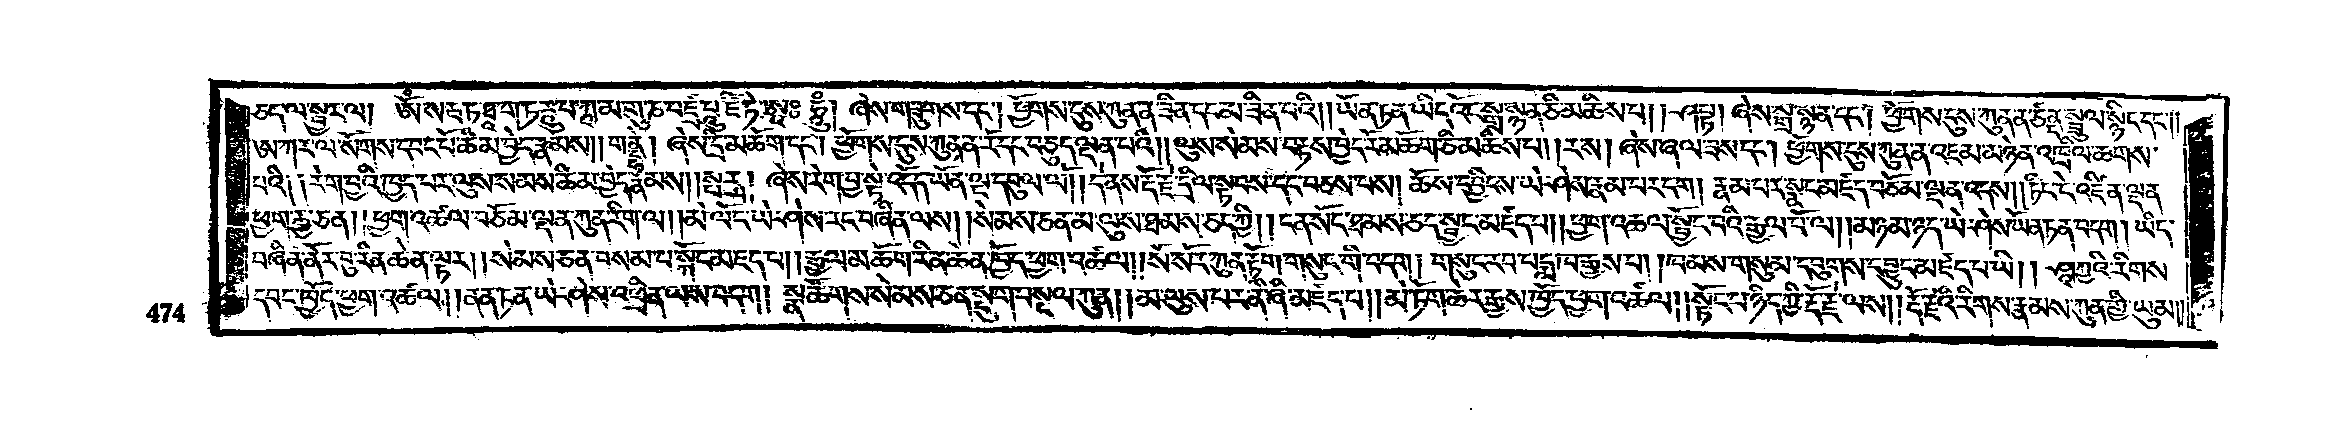ཅད་ལ་སྦྱར་ལ། ཨོཾ་སརྦ་ཏཱ་ཐཱ་ག་ཏ་རཱུ་པ་ཀཱ་མ་གུ་ཎ་བཛྲ་པཱུ་ཛི་ཏེ་ཨཱཿ ཧཱུཾ། ཞེས་གཟུགས་དང་། ཕྱོགས་དུས་ཀུན་ན་ཟིན་དང་མ་ཟིན་པའི། །ཡོན་ཏན་ཡིད་འོང་སྒྲ་སྙན་ཅི་མཆིས་པ། །ཤཔྟ། ཞེས་སྒྲ་སྙན་དང་། ཕྱོགས་དུས་ཀུན་ན་ཙནྡན་སྦྲུལ་སྙིང་དང།།
ཨ་ཀར་ལ་སོགས་དབང་པོ་ཚིམ་བྱེད་རྣམས། །གནྡྷེ། ཞེས་དྲི་མཆོག་དང་། ཕྱོགས་དུས་ཀུན་ན་རོ་དང་བཅུད་ལྡན་པའི། །ལུས་སེམས་བརྟས་བྱེད་རོ་མཆོག་ཅི་མཆིས་པ། །ར་ས། ཞེས་ཞལ་ཟས་དང་། ཕྱོགས་དུས་ཀུན་ན་འཇམ་མཉེན་འཁྲིལ་ཆགས་
པའི༑ ༑རེག་བྱའི་ཁྱད་པར་ལུས་སེམས་ཚིམ་བྱེད་རྣམས། །སྤརྴ། ཞེས་རེག་བྱ་སྟེ་འདོད་ཡོན་ལྔ་དབུལ་ལོ། །དེ་ནས་རྡོ་རྗེ་དྲིལ་སྟབས་དང་བཅས་པས། ཆོས་དབྱིངས་ཡེ་ཤེས་རྣམ་པར་དག །རྣམ་པར་སྣང་མཛད་བཅོམ་ལྡན་འདས། །ཏིང་ངེ་འཛིན་ལྡན་
ཕྱག་རྒྱ་ཅན། །ཕྱག་འཚལ་བཅོམ་ལྡན་ཀུན་རིག་ལ། །མེ་ལོང་ཡེ་ཤེས་རང་བཞིན་ལས། །སེམས་ཅན་མ་ལུས་ཐམས་ཅད་ཀྱི། །ངན་སོང་ཐམས་ཅད་སྦྱང་མཛད་པ། །ཕྱག་འཚལ་སྦྱོང་བའི་རྒྱལ་པོ་ལ། །མཉམ་ཉིད་ཡེ་ཤེས་ཡོན་ཏན་བདག །ཡིད་
བཞིན་ནོར་བུ་རིན་ཆེན་ལྟར། །སེམས་ཅན་བསམ་པ་སྐོང་མཛད་པ། །རྒྱལ་མཆོག་རིན་ཆེན་ཁྱོད་ཕྱག་འཚལ། །སོ་སོར་ཀུན་རྟོག་གསུང་གི་བདག །གསུང་རབ་པདམ་ཁ་རྒྱས་པ། །ཁམས་གསུམ་དབུགས་དབྱུང་མཛད་པ་ཡི། །ཤཱཀྱའི་རིགས་
དབང་ཁྱོད་ཕྱག་འཚལ། །ནན་ཏན་ཡེ་ཤེས་འཕྲིན་ལས་བདག །སྣ་ཚོགས་སེམས་ཅན་སྡུག་བསྔལ་ཀུན། །མ་ལུས་པར་ནི་ཞི་མཛད་པ། །མེ་ཏོག་ཆེར་རྒྱས་ཁྱོད་ཕྱག་འཚལ། །སྟོང་པ་ཉིད་ཀྱི་རྡོ་རྗེ་ལས། །རྡོ་རྗེའི་རིགས་རྣམས་ཀུན་གྱི་ཡུམ།།